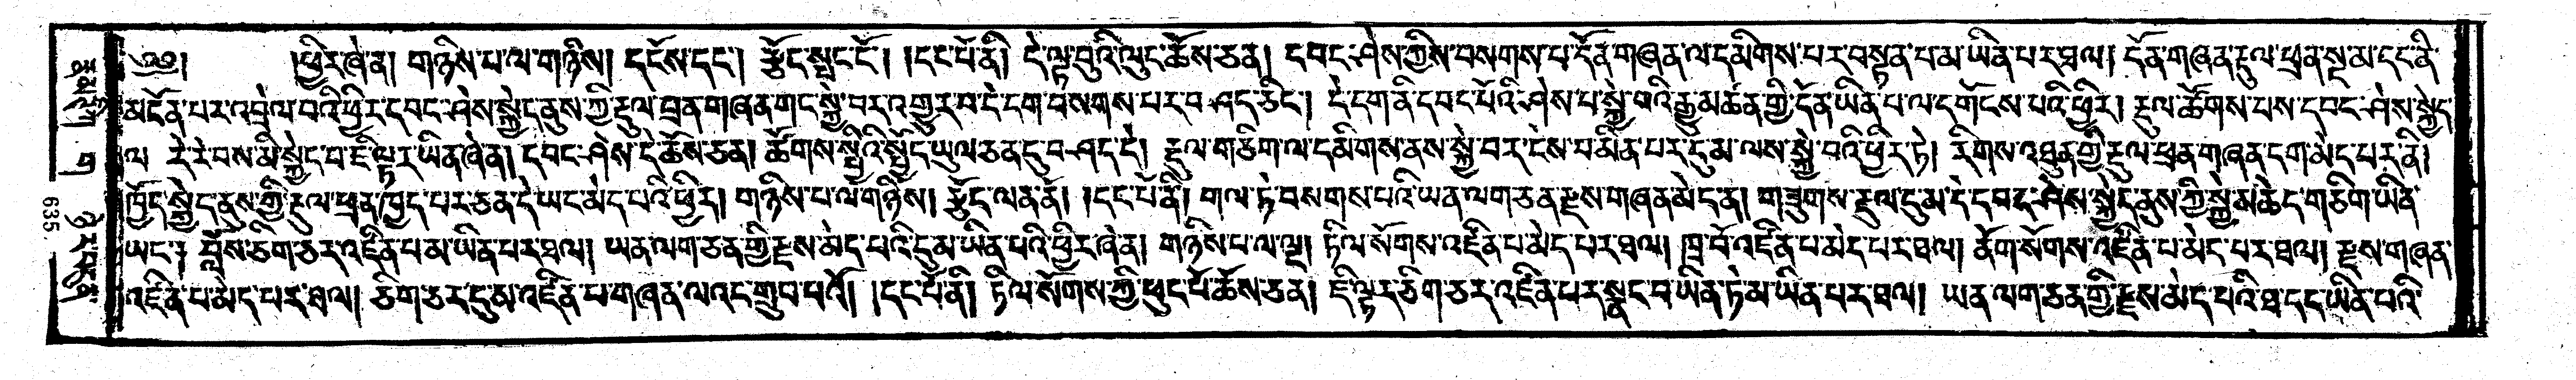༄༅། །ཕྱིར་ཞེ་ན། གཉིས་པ་ལ་གཉིས། དངོས་དང་། རྩོད་སྤང་ངོ། །དང་པོ་ནི། དེ་ལྟ་བུའི་ལུང་ཆོས་ཅན། དབང་ཤེས་ཀྱིས་བསགས་པ་དོན་གཞན་ལ་དམིགས་པར་བསྟན་པ་མ་ཡིན་པར་ཐལ། དོན་གཞན་རྡུལ་ཕྲན་སྔ་མ་དང་ནི་
མངོན་པར་འབྲེལ་བའི་ཕྱིར་དབང་ཤེས་སྐྱེད་ནུས་ཀྱི་རྡུལ་བྲན་གཞན་གང་སྐྱེ་བར་འགྱུར་པ་དེ་དག་བསགས་པར་བཤད་ཅིང་། དེ་དག་ནི་དབང་པོའི་ཤེས་པ་སྐྱེ་བའི་རྒྱུ་མཚན་གྱི་དོན་ཡིན་པ་ལ་དགོངས་པའི་ཕྱིར། རྡུལ་ཚོགས་པས་དབང་ཤེས་སྐྱེད་
ལ་རེ་རེ་བས་མི་སྐྱེད་པ་ཇི་ལྟར་ཡིན་ཞེ་ན། དབང་ཤེས་དེ་ཆོས་ཅན། ཚོགས་སྤྱིའི་སྤྱོད་ཡུལ་ཅན་དུ་བཤད་དེ། རྡུལ་གཅིག་ལ་དམིགས་ནས་སྐྱེ་བར་ངེས་པ་མིན་པར་དུ་མ་ལས་སྐྱེ་བའི་ཕྱིར་ཏེ། རིགས་འཐུན་གྱི་རྡུལ་ཕྲན་གཞན་དག་མེད་པར་ནི།
ཁྱོད་སྐྱེད་ནུས་ཀྱི་རྡུལ་ཕྲན་ཁྱད་པར་ཅན་དེ་ཡང་མེད་པའི་ཕྱིར། གཉིས་པ་ལ་གཉིས། རྩོད་ལན་ནོ། །དང་པོ་ནི། གལ་ཏེ་བསགས་པའི་ཡན་ལག་ཅན་རྫས་གཞན་མེད་ན། གཟུགས་རྡུལ་དུ་མ་དེ་དབང་ཤེས་སྐྱེད་ནུས་ཀྱི་སྐྱེ་མཆེད་གཅིག་ཡིན་
ཡང༑ བློས་ཅིག་ཅར་འཛིན་པ་མ་ཡིན་པར་ཐལ། ཡན་ལག་ཅན་གྱི་རྫས་མེད་པའི་དུ་མ་ཡིན་པའི་ཕྱིར་ཞེ་ན། གཉིས་པ་ལ་ལྔ། ཏིལ་སོགས་འཛིན་པ་མེད་པར་ཐལ། ཁྲ་བོ་འཛིན་པ་མེད་པར་ཐལ། ངོ་སོགས་འཛིན་པ་མེད་པར་ཐལ། རྫས་གཞན་
འཛིན་པ་མེད་པར་ཐལ། ཅིག་ཅར་དུ་མ་འཛིན་པ་གཞན་ལའང་གྲུབ་པའོ། །དང་པོ་ནི། ཏིལ་སོགས་ཀྱི་ཕུང་པོ་ཆོས་ཅན། ཇི་ལྟར་ཅིག་ཅར་འཛིན་པར་སྣང་བ་ཡིན་ཏེ་མ་ཡིན་པར་ཐལ། ཡན་ལག་ཅན་གྱི་རྫས་མེད་པའི་ཐ་དད་ཡིན་པའི་